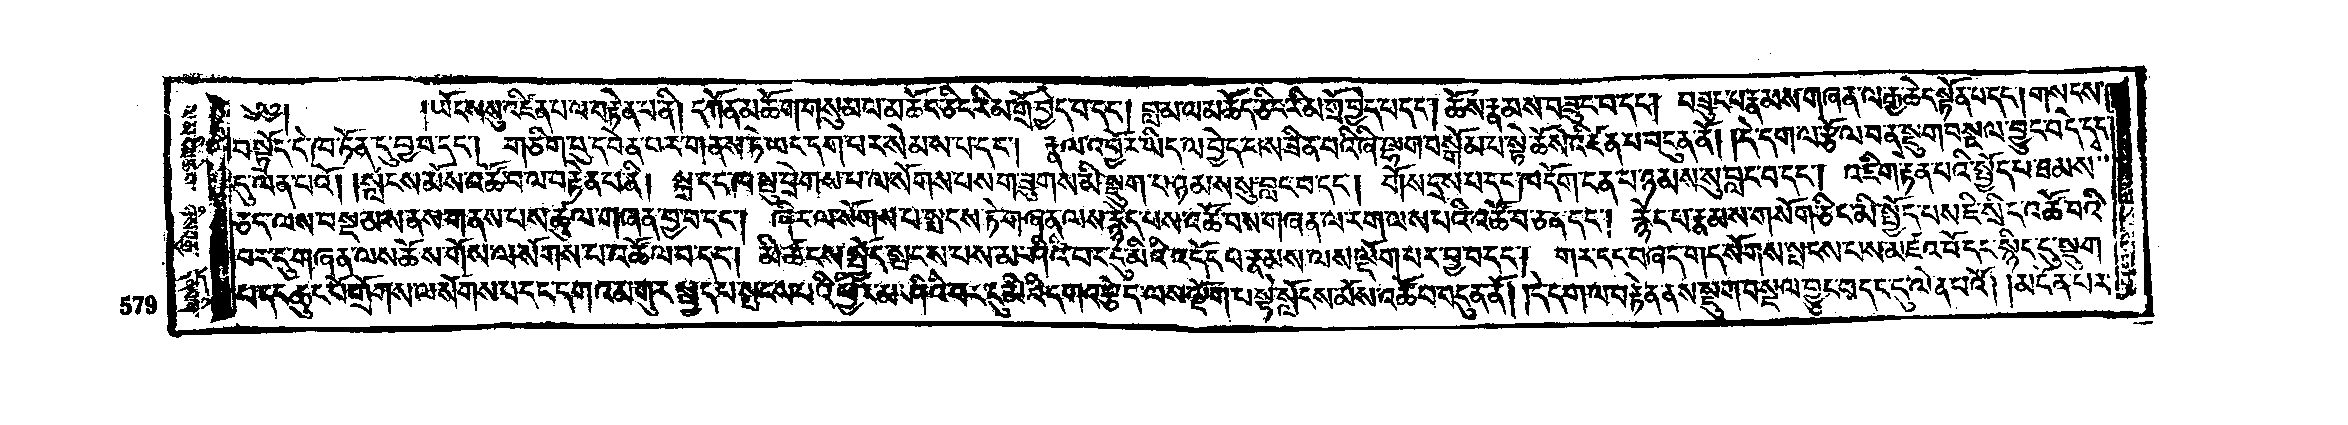༄༅། །ཡོངས་སུ་འཛིན་པ་ལ་བརྟེན་པ་ནི། དཀོན་མཆོག་གསུམ་ལ་མཆོད་ཅིང་རིམ་གྲོ་བྱེད་པ་དང་། བླ་མ་ལ་མཆོད་ཅིང་རིམ་གྲོ་བྱེད་པ་དང་། ཆོས་རྣམས་བཟུང་བ་དང་། བཟུང་བ་རྣམས་གཞན་ལ་རྒྱ་ཆེར་སྟོན་པ་དང་། གསངས་
བསྟོད་དེ་ཁ་ཏོན་དུ་བྱ་བ་དང་། གཅིག་པུ་དབེན་པར་གནས་ཏེ་ཡང་དག་པར་སེམས་པ་དང་། རྣལ་འབྱོར་ཡིད་ལ་བྱེད་པས་ཟིན་པའི་ཞི་ལྷག་བསྒོམ་པ་སྟེ་ཆོས་འཛིན་པ་བདུན་ནོ། །དེ་དག་ལ་རྩོལ་བ་ན་སྡུག་བསྔལ་བྱུང་བ་དེ་དྭང་
དུ་ལེན་པའི། །སློངས་མོས་འཚོ་བ་ལ་བརྟེན་པ་ནི། སྐྲ་དང་ཁ་སྤུ་བྲེགས་པ་ལ་སོགས་པས་གཟུགས་མི་སྡུག་པ་ཉམས་སུ་བླང་བ་དང་། གོས་དྲས་པ་དང་ཁ་དོག་ངན་པ་ཉམས་སུ་བླང་བ་དང་། འཇིག་རྟེན་པའི་སྤྱོད་པ་ཐམས་
ཅད་ལས་བསྡམས་ནས་གནས་པས་ཚུལ་གཞན་བྱ་བ་དང་། ཞིང་ལ་སོགས་པ་སྤངས་ཏེ་གཞན་ལས་རྙེད་པས་འཚོ་བས་གཞན་ལ་རག་ལས་པའི་འཚོ་བ་ཅན་དང་། རྙེད་པ་རྣམས་གསོག་ཅིང་མི་སྤྱོད་པས་ཇི་སྲིད་འཚོ་བའི་
བར་དུ་གཞན་ལས་ཆོས་གོས་ལ་སོགས་པ་འཚོལ་བ་དང་། མི་ཚངས་སྤྱོད་སྤངས་པས་མ་ཤིའི་བར་དུ་མིའི་འདོད་པ་རྣམས་ལས་ལྡོག་པར་བྱ་བ་དང་། གར་དང་བཞད་གད་སོགས་སྤངས་པས་མཛའ་པོ་དང་སྙིང་དུ་སྡུག་
པ་དང་ཆུང་པོ་གྲོགས་ལ་སོགས་པ་དང་དགའ་མགུར་སྤྱད་པ་སྤངས་པའི་ཕྱིར་མ་ཤིའི་བར་དུ་མིའི་དགའ་རྩེད་ལས་ལྡོག་པ་སྟེ་སློངས་མོས་འཚོ་བ་བདུན་ནོ། །དེ་དག་ལ་བརྟེན་ནས་སྡུག་བསྔལ་བྱུང་བ་དང་དུ་ལེན་པའོ། །མངོན་པར་